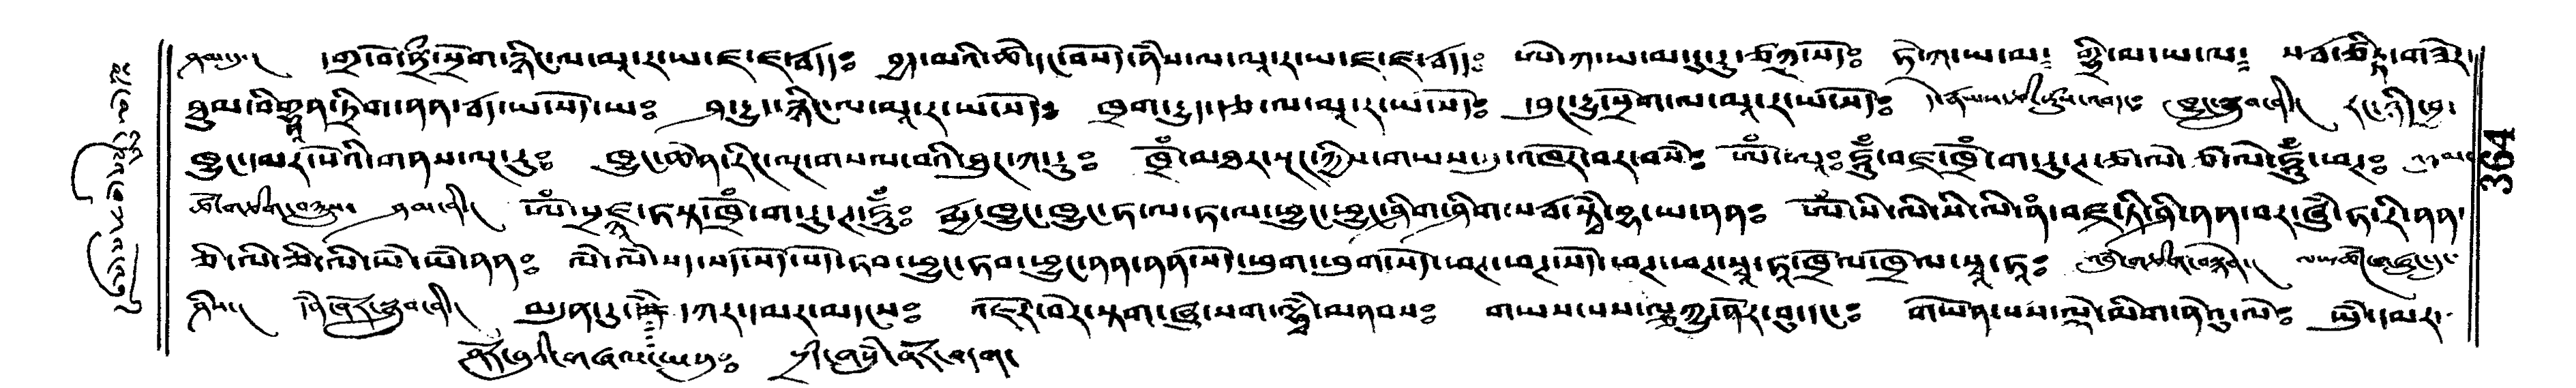གཤམ་དུ། དགྲ་བོ་ནྲྀ་སྲོག་སྙིང་ལ་མཱ་ར་ཡ་ཛ་ཛ་རྦད༔ བྱད་མའི་ཚེ་དང་བསོད་ནམས་ལ་མཱ་ར་ཡ་ཛ་ཛ་རྦད༔ ཨེ་ཀ་ཡ་མ་དུ་རུ་ཙཀྲ་སོད༔ ཧེ་ཀ་ཡ་མ༴ གྷྲི་མ་ཡ་ལ༴ སརྦ་ཙིཏྟ་གཟེར་
ཐུམ་བིགྷྣཱན་ཏྲིག་ནན་རྦདཡ་སོད་ཡ༔ ཤ་རྒྱུད་སྙིང་ལ་མཱ་ར་ཡ་སོད༔ ཁྲག་རྒྱུད་རྩ་ལ་མཱ་ར་ཡ་སོད༔ དབུགས་རྒྱུད་སྲོག་ལ་མཱ་ར་ཡ་སོད༔ དེ་རྣམས་ཅི་ནུས་འབད། ཁྱུང་སྒྲུབ་ནི། རང་ཉིད་བྱ་
ཁྱུང་དམར་པོའི་གནས་ལྔ་རུ༔ ཁྱུང་ཆེན་རིགས་ལྔ་གསལ་བའི་ཐུགས་ཀ་རུ༔ ཁྲོཾ་མཐར་སྔགས་ཀྱིས་གཡས་སུ་འཁོར་བར་བསམ༔ ཨོཾ་ཨཱཿཧཱུྃ་བཛྲ་ཁྲོཾ་ག་རུ་ཌ་ཙ་ལེ་ཙ་ལེ་ཧཱུྃ་ཕཊ༔ འབུམ་
ཚོ་གཅིག་བཟླས། གཤམ་ནི། ཨོཾ་པྲཛྙཱ་ཧསྟ་ཁྲོཾ་ག་རུ་ཌ་ཧཱུྃ༔རྨྱ་ཁྱུང་ཁྱུང་ཧ་ལ་ཧ་ལ་ཕྱུང་ཕྱུང་ཤིག་ཤིག་སརྦ་སྟྭཾ་བྷ་ཡ་ནན༔ ཨོཾ་སི་ལི་སི་ལི་ནཾ་བཛྲ་ཏི་ཤི་ནན་བར་ཞུམ་ཧ་རི་ནན་
ཙི་ལི་ཙི་ལི་ཡམ་ཡམ་ནན༔ ལམ་ལམ་སད་སད་སོད་སོད་ཧབ་ཕྱུང་ཧབ་ཕྱུང་ནན་ནན་སོད་ཕུག་ཕུག་སོད་ཕཊ་ཕཊ་སོད་ཕཊ་ཕཊ་སྭ་ཧཱ་ཁྲོལ་ཁྲོལ་སྭ་ཧཱཿ འབུམ་གཅིག་བསྙེན། ལས་ཚོགས་གཞུང་དུ་
ཤེས། དམ་ཅན་ནོར་སྒྲུབ་ནི། མདུན་དུ་ནོར་བུའི་གཞལ་ཡས་སུ༔ སྲིད་གསུམ་ནོར་བདག་དཀར་དམར་མདངས༔ འཇོལ་བེར་སྟག་ཞུ་སག་ལྷམ་མནབས༔ གཡས་པས་ལྕགས་ཀྱུ་ནོར་བུ་དང༔ གཡོན་པས་ལྡེ་མིག་ནེ་འུ་ལེ༔ ཡུམ་དམར་